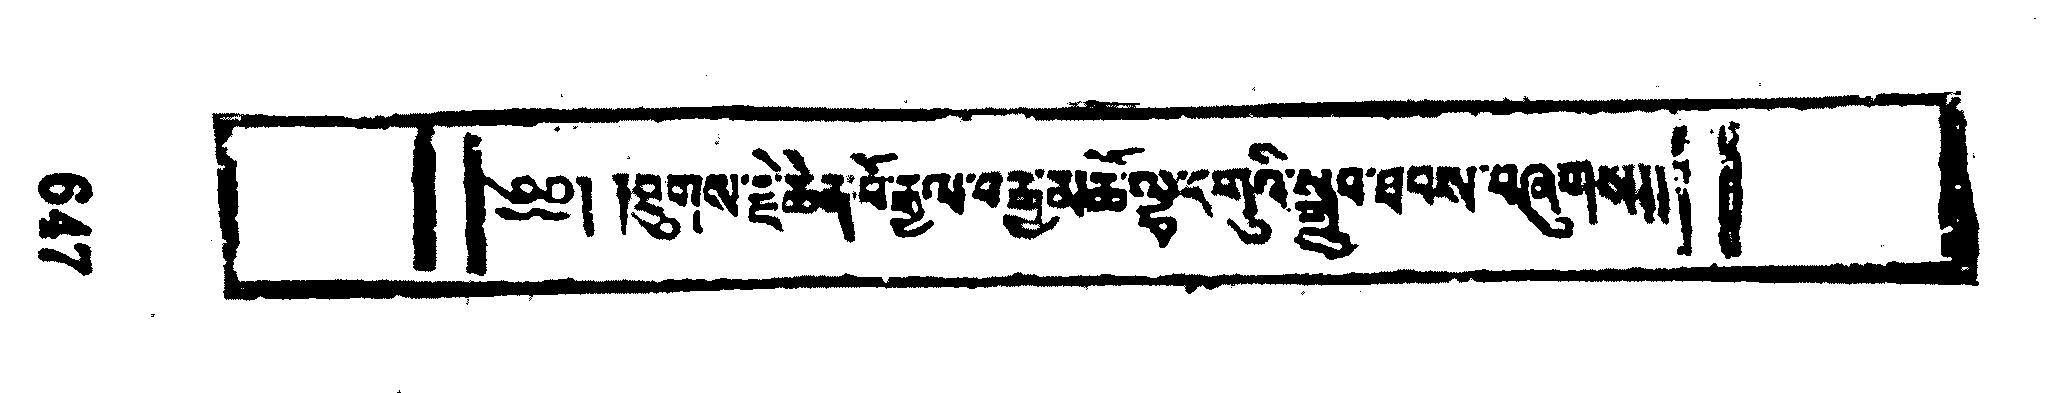༄༅། །ཐུགས་རྗེ་ཆེན་པོ་རྒྱལ་བ་རྒྱ་མཚོ་ལྷ་དགུའི་སྒྲུབ་ཐབས་བཞུགས།།